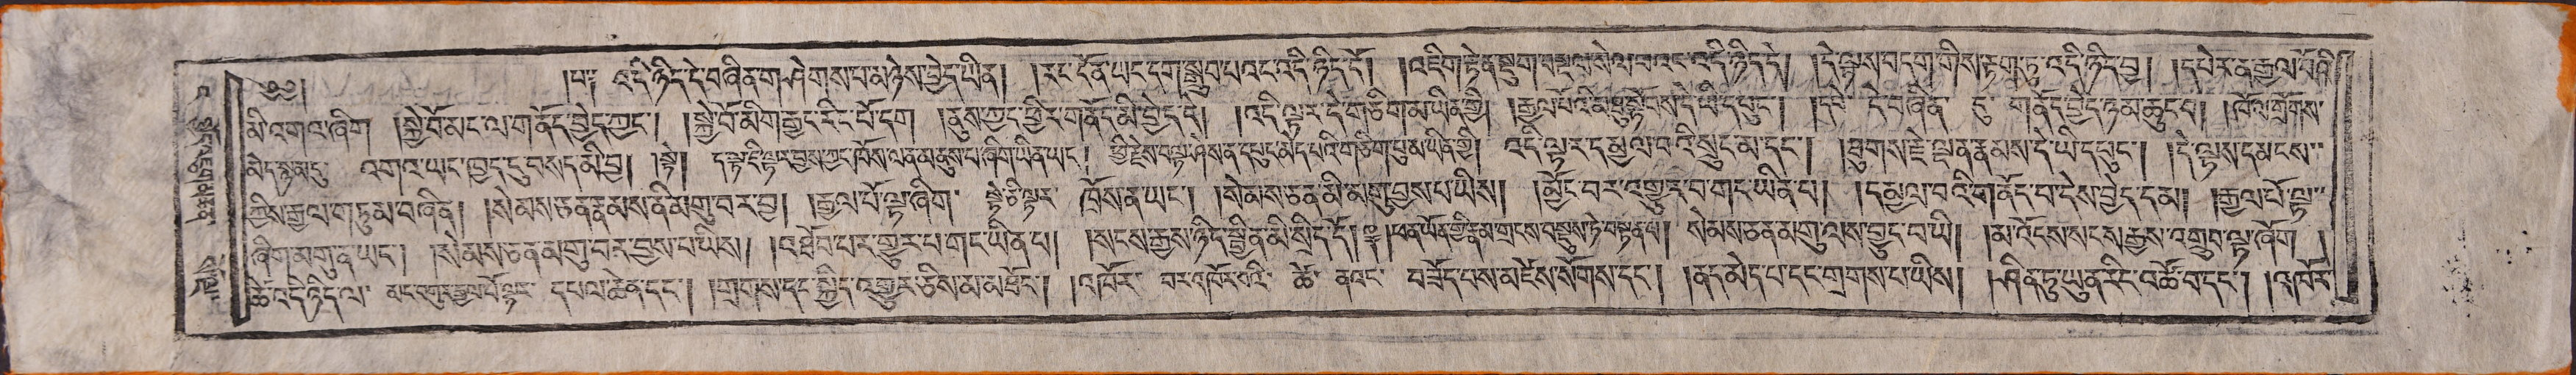༄༅། །པ༑  འདི་ཉིད་དེ་བཞིན་གཤེགས་པ་མཉེས་བྱེད་ཡིན། །རང་དོན་ཡང་དག་སྒྲུབ་པའང་འདི་ཉིད་དོ། །འཇིག་རྟེན་སྡུག་བསྔལ་སེལ་བའང་འདི་ཉིད་དེ། །དེ་ལྟས་བདག་གིས་རྟག་ཏུ་འདི་ཉིད་བྱ། །དཔེར་ན་རྒྱལ་པོའི་
མི་འགའ་ཞིག །སྐྱེ་བོ་མང་ལ་གནོད་བྱེད་ཀྱང་། །སྐྱེ་བོ་མིག་རྒྱང་རིང་པོ་དག །ནུས་ཀྱང་ཕྱིར་གནོད་མི་བྱེད་དེ། །འདི་ལྟར་དེ་གཅིག་མ་ཡིན་གྱི། །རྒྱལ་བོའི་མཐུ་སྟོབས་དེ་ཡོད་པུང་། །དཔེ་དེ་བཞིན། དུ་གདོན་བྱེད་ཉམ་ཆུང་བ། །ཁོ་ལ་གྲོགས་
མེད་སྙམ་དུ་འགའ་ཡང་ཁྱད་དུ་བསད་མི་བྱ། །སྟེ། ད་ལྟ་ཇི་ལྟར་བྱས་ཀྱང་ཁོས་ལན་མ་ནུས་པ་ཞིག་ཡིན་ཡང་། ཕྱི་རྗེས་བལྟ་ཤེས་ན་དཔུང་མེད་པའི་གཅིག་པུ་མ་ཡིན་གྱི།  འདི་ལྟར་དམྱལ་བའི་སྲུང་མ་དང་། །ཐུགས་རྗེ་ལྡན་རྣམས་དེ་ཡི་དཔུང་། །དེ་ལྟས་དམངས་
ཀྱིས་རྒྱལ་གཏུམ་བཞིན། །སེམས་ཅན་རྣམས་ནི་མགུ་པར་བྱ། །རྒྱལ་པོ་ལྟ་ཞིག་སྟེ་ཅི་ལྟར་ཁྲོས་ན་ཡང་། །སེམས་ཅན་མི་མགུ་བྱས་པ་ཡིས། །མྱོང་བར་འགྱུར་བ་གང་ཡིན་པ། །དམྱལ་བའི་གནོད་པ་དེས་བྱེད་དམ། །རྒྱལ་པོ་ལྟ་
ཞིག་མགུན་ཡང་། །སེམས་ཅན་མགུ་བར་བྱས་པ་ཡིས། །འཐོབ་པར་གྱུར་པ་གང་ཡིན་པ། །སངས་རྒྱས་ཉིད་སྦྱིན་མི་སྲིད་དོ། ༈ །པན་ཡོན་གྱི་རྣམ་གྲངས་བསྡུས་ཏེ་བསྟན་པ།  སེམས་ཅན་མགུ་ལས་བྱུང་བ་ཡི། །མ་འོངས་སངས་རྒྱས་འགྲུབ་ལྟ་ཞོག །
ཚེ་འདི་ཉིད་ལ་མང་བཀུར་རྒྱལ་པ་ལྟར་དཔལ་ཆེན་དང་། །གྲགས་དང་སྐྱིད་འགྱུར་ཅིས་མ་མཐོང་། །འཁོར་བར་འཁོར་པའི་ཚེ་ནའང་བཟོད་པས་མཛེས་སོགས་དང་། །ནད་མེད་པ་དང་གྲགས་པ་ཡིས། །ཤིན་ཏུ་ཡུན་རིང་འཚོ་བ་དང་། །འཁོར་